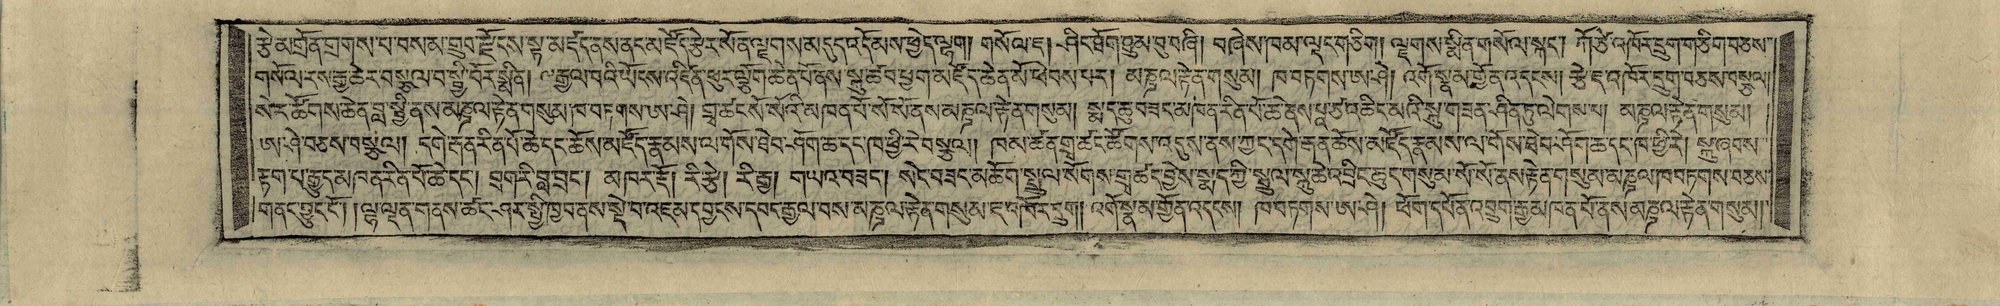རྩེ་མགྲོན་གྲགས་པ་བསམ་གྲུབ་རྫོངས་སྟ་མཛད་ནས་ནང་མཛོད་རྩེར་སོན་ལྗགས་མདུད་འདོམས་ཕྱེད་ལྷག །གསོལ་ཇ། ཤིང་ཐོག་ཐུམ་བུ་བཞི། བཞེས་ཁམ་ལྡང་གཅིག །ལྗགས་སྨིན་གསོལ་སྐད། ཀོ་ཙེ་འཁོར་དྲུག་གཅིག་བཅས་
གསོལ་རས་རྒྱ་ཆེར་བསྩལ་བ་སྤྱི་བོར་སྨིན། ༧རྒྱལ་བའི་ཡོངས་འཛིན་ཕུར་ལྕོག་ཆེན་པོ་ནས་སྐུ་ཚབ་ཕྱག་མཛོད་ཆེན་མོ་ཕེབས་པར། མཎྜལ་རྟེན་གསུམ། ཁ་བཏགས་ཨ་ཤེ། འགོ་སྣམ་གྱོན་འདངས། རྩེ་ཇ་འཁོར་དྲུག་བཅས་བསྩལ།
སེ་ར་ཚོགས་ཆེན་བླ་སྤྱི་ནས་མཎྜལ་རྟེན་གསུམ་ཁ་བཏགས་ཨ་ཤེ། གྲྭ་ཚང་སོ་སོའི་མཁན་པོ་སོ་སོ་ནས་མཎྜལ་རྟེན་གསུམ། སྨད་ཆུ་བཟང་མཁན་རིན་པོ་ཆེ་ནས་པཱ་ཙ་འཆིང་མའི་སྐུ་གཟན་ཤིན་ཏུ་ལེགས་པ། མཎྜལ་རྟེན་གསུམ།
ཨ་ཤེས་བཅས་བསྩལ། དགེ་རྒན་རིན་པོ་ཆེ་དང་ཆོས་མཛོད་རྣམས་ལ་གོས་ཐེབ་ཤོག་ཆ་དང་ཕྱི་རེ་བསྩལ། ཁམ་ཚན་གྲྭ་ཚང་ཚོགས་འདུས་ནས་ཀྱང་དགེ་རྒན་ཆོས་མཛོད་རྣམས་ལ་གོས་ཐེབ་ཤོག་ཆ་དང་ཁ་ཕྱི་རེ། སྐུ་ཞབས་
རྟག་པ་རྒྱུད་མཁན་རིན་པོ་ཆེ་དང་། བྲག་རི་བླ་བྲང་། མཁར་རྡོ། རི་རྩེ། རི་རྒྱ། གཡའ་བཟང་། སེང་བཟང་མཆོག་སྤྲུལ་སོགས་གྲྭ་ཚང་བྱེས་སྨད་ཀྱི་སྤྲུལ་སྐུ་ཆེ་འབྲིང་ཆུང་གསུམ་སོ་སོ་ནས་རྟེན་གསུམ་མཎྜལ་ཁ་བཏགས་བཅས་
གནང་བྱུང་ངོ། །ལྷ་ལྡན་གནས་ཚང་ཤར་སྤྱི་ཁྱབ་ནས་སྡེ་པ་འཇམ་དབྱངས་དབང་རྒྱལ་བས་མཎྜལ་རྟེན་གསུམ་ཇ་འཁོར་དྲུག །འགོ་སྣམ་གྱོན་འདངས། ཁ་བཏགས་ཨ་ཤེ། ཕོག་དཔོན་འབྲུག་རྒྱ་མཁན་པོ་ནས་མཎྜལ་རྟེན་གསུམ།